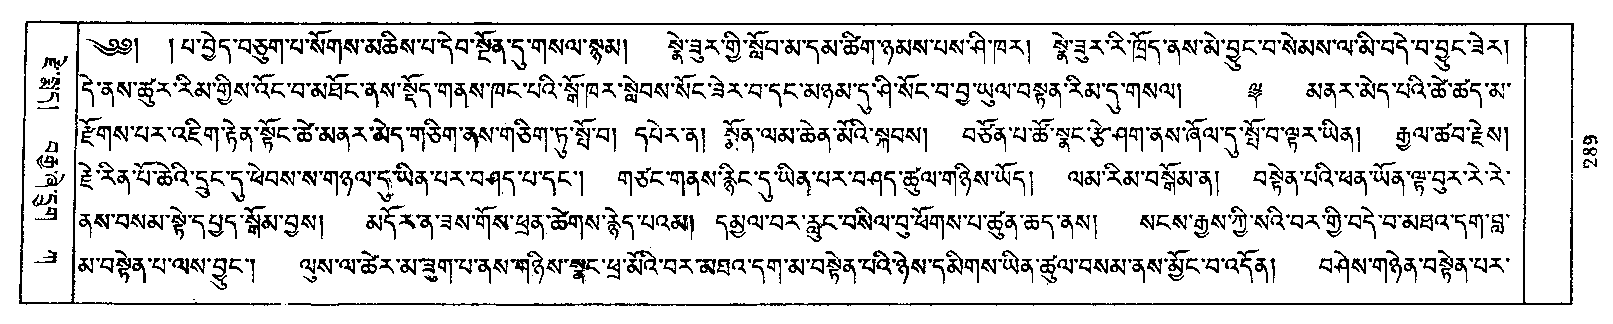༄༅། །པ་བྱེད་བཅུག་པ་སོགས་མཆིས་པ་དེབ་སྔོན་དུ་གསལ་སྙམ། སྣེ་ཟུར་གྱི་སློབ་མ་དམ་ཚིག་ཉམས་པས་ཤི་ཁར། སྣེ་ཟུར་རི་ཁྲོད་ནས་མེ་བྱུང་བ་སེམས་ལ་མི་བདེ་བ་བྱུང་ཟེར།
དེ་ནས་ཚུར་རིམ་གྱིས་འོང་བ་མཐོང་ནས་སྡོད་གནས་ཁང་པའི་སྒོ་ཁར་སླེབས་སོང་ཟེར་བ་དང་མཉམ་དུ་ཤི་སོང་བ་བྱ་ཡུལ་བསྟན་རིམ་དུ་གསལ། ༈ མནར་མེད་པའི་ཚེ་ཚད་མ་
རྫོགས་པར་འཇིག་རྟེན་སྟོང་ཚེ་མནར་མེད་གཅིག་ནས་གཅིག་ཏུ་སྤོ་བ། དཔེར་ན། སྨོན་ལམ་ཆེན་མོའི་སྐབས། བཙོན་པ་ཚོ་སྣང་རྩེ་ཤག་ནས་ཞོལ་དུ་སྤོ་བ་ལྟར་ཡིན། རྒྱལ་ཚབ་རྗེས།
རྗེ་རིན་པོ་ཆེའི་དྲུང་དུ་ཕེབས་ས་གཉལ་དུ་ཡིན་པར་བཤད་པ་དང་། གཙང་གནས་རྙིང་དུ་ཡིན་པར་བཤད་ཚུལ་གཉིས་ཡོད། ལམ་རིམ་བསྒོམ་ན། བསྟེན་པའི་ཕན་ཡོན་ལྟ་བུར་རེ་རེ་
ནས་བསམ་སྟེ་དཔྱད་སྒོམ་བྱས། མདོར་ན་ཟས་གོས་ཕྲན་ཚེགས་རྙེད་པའམ། དམྱལ་བར་རླུང་བསིལ་བུ་ཕོགས་པ་ཚུན་ཆད་ནས། སངས་རྒྱས་ཀྱི་སའི་བར་གྱི་བདེ་བ་མཐའ་དག་བླ་
མ་བསྟེན་པ་ལས་བྱུང་། ལུས་ལ་ཚེར་མ་ཟུག་པ་ནས་གཉིས་སྣང་ཕྲ་མོའི་བར་མཐའ་དག་མ་བསྟེན་པའི་ཉེས་དམིགས་ཡིན་ཚུལ་བསམ་ནས་མྱོང་བ་འདོན། བཤེས་གཉེན་བསྟེན་པར་